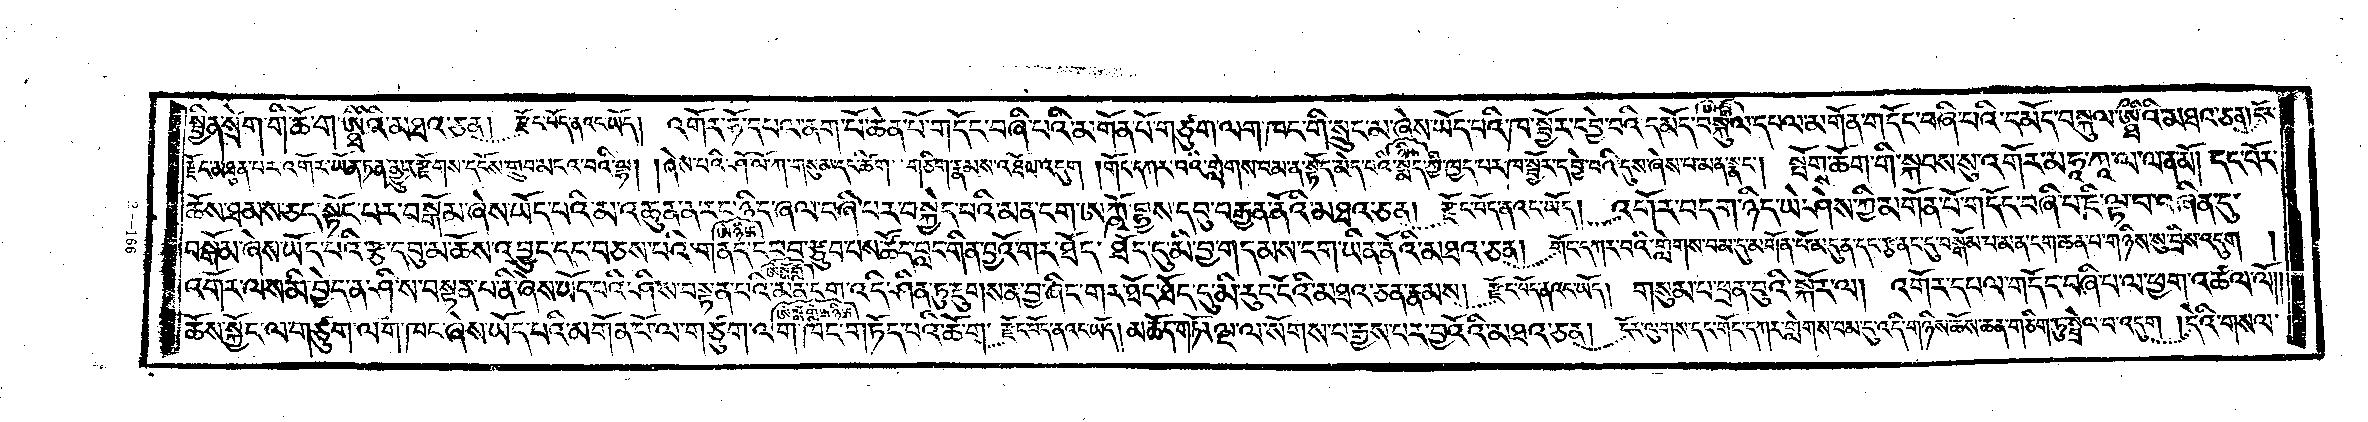སྦྱིན་སྲེག་གི་ཆོ་ག་ཨིཐིའི་མཐའ་ཅན། རྫོང་པོད་ནའང་ཡོད།  འགོར་ཧོ་དཔལ་ནག་པོ་ཆེན་པོ་གདོང་བཞི་པའི་མགོན་པོ་གཙུག་ལག་ཁང་གི་སྲུང་མ་ཞེས་ཡོད་པའི་ཁ་སྦྱོར་དབྱེ་བའི་དམོད་བསྐུལ་དཔལ་མགོན་གདོང་བཞི་པའི་དམོད་བསྐུལ་ཨིཐིའི་མཐའ་ཅན། ངོར་
རྫོང་མཐུན་པར་འགོར་ཡོན་ཏན་མྱུར་རྫོགས་དངོས་གྲུབ་མངའ་བའི་ལྷ། །ཞེས་པའི་ཤོ་ལོ་ཀ་གསུམ་དང་ཚིག་གཅིག་རྣམས་འཐོལ་འདུག །གོང་དཀར་བའི་གླེགས་བམ་ན་སྟོད་མེད་པའི་སྨད་ཀྱི་ཁྱད་པར་ཁ་སྦྱོར་དབྱེ་བའི་དུས་ཞེས་པ་མན་སྣང་། སྤོག་ཆོག་གི་སྐབས་སུ་འགོར་མཧཱ་ཀཱ་ལ་ལན་མོ། དང་པོར་
ཆོས་ཐམས་ཅད་སྟོང་པར་བསྒོམ་ཞེས་ཡོད་པའི་མ་འཆུན་ན་རང་ཉིད་ཞལ་བཞི་པར་བསྐྱེད་པའི་མན་ངག་ཨཀྵོ་བྷྱས་དབུ་བརྒྱན་ནོའི་མཐའ་ཅན། རྫོང་པོད་ནའང་ཡོད།  འགོར་བདག་ཉིད་ཡེ་ཤེས་ཀྱི་མགོན་པོ་གདོང་བཞི་པ་ཇི་ལྟ་བ་བཞིན་དུ་
བསྒོམ་ཞེས་ཡོད་པའི་རྩ་དབུ་མ་ཆོས་འབྱུང་དང་བཅས་པའི་གནད་དབབ་རྩུབ་པས་ཚོད་བླང་གིན་བྱའོ་གར་ཐོད་ཐོད་དུ་མི་བྱ་གདམས་ངག་ཡིན་ནོའི་མཐའ་ཅན། གོང་དཀར་བའི་གླེགས་བམ་དུ་མགོན་པོ་མདུན་དང་རྩ་ནང་དུ་བསྒོམ་པ་མན་ངག་ཆན་པ་གཉིས་སུ་བྲུས་འདུག་།
འགོར་ལས་མི་བྱེད་ན་ཤི་ས་བསྟན་པ་ནི་ཞེས་ཡོད་པའི་ཤི་ས་བསྟན་པའི་མན་ངག་འདི་ཤིན་ཏུ་རྔུགས་ན་བྱ་ཞིང་གར་ཐོད་ཐོད་དུ་མི་རུང་ངོའི་མཐའ་ཅན་རྣམས། རྫོང་པོད་ནའང་ཡོད།  གསུམ་པ་ཕྲན་བུའི་སྐོར་ལ། འགོར་དཔལ་གདོང་བཞི་པ་ལ་ཕྱག་འཚལ་ལོ།།
ཆོས་སྐྱོང་ལ་གཙུག་ལག་ཁང་ཞེས་ཡོད་པའི་མགོན་པོ་ལ་གཙུག་ལག་ཁང་གཏོད་པའི་ཆོ་ག་རྫོང་པོད་ནའང་ཡོད།  མཆོད་གཏོར་ལྔ་ལ་སོགས་པ་རྒྱས་པར་བྱའོའི་མཐའ་ཅན། ངོར་ལུགས་དང་གོང་དཀར་གླེགས་བམ་དུ་འདི་གཉིས་ཆོས་ཆན་གཅིག་ཏུ་སྦྲེལ་བ་འདུག་།དེའི་གསལ་